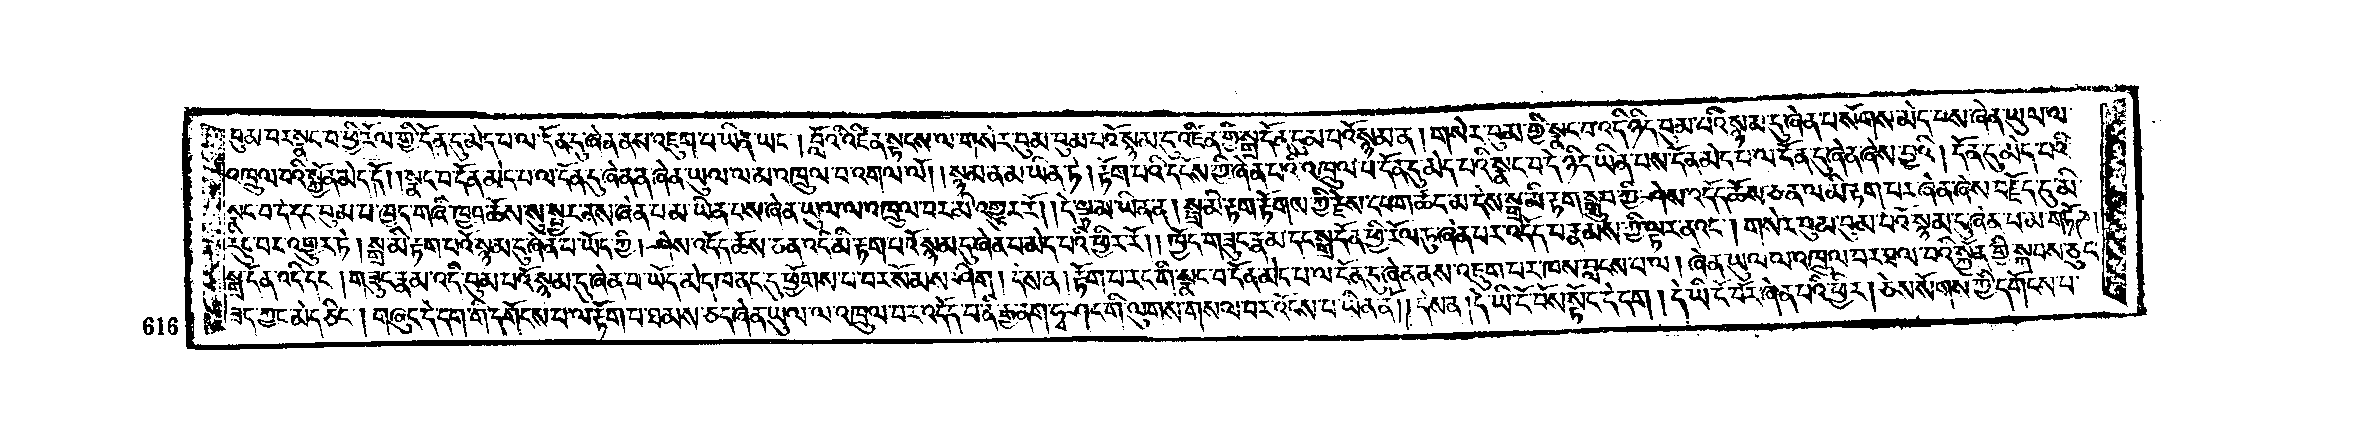བུམ་པར་སྣང་བ་ཕྱི་རོལ་གྱི་དོན་དུ་མེད་པ་ལ་དོན་དུ་ཞེན་ནས་འཇུག་པ་ཡིན་ཡང་། བློའི་འཛིན་སྟངས་ལ་གསེར་བུམ་བུམ་པའོ་སྙམ་དུ་འཛིན་གྱི་སྒྲ་དོན་དུམ་པའོ་སྙམ་ན། གསེར་བུམ་གྱི་སྣང་བ་འདི་ཉིད་བུམ་པའི་སྙམ་དུ་ཞེན་པ་སོགས་མེད་པས་ཞེན་ཡུལ་ལ་
འཁྲུལ་པའི་སྐྱོན་མེད་དོ། །སྣང་བ་དོན་མེད་པ་ལ་དོན་དུ་ཞེན་ན་ཞེན་ཡུལ་ལ་མ་འཁྲུལ་བ་འགལ་ལོ། །སྙམ་ན་མ་ཡིན་ཏེ། རྟོག་པའི་དངོས་ཀྱི་ཞེན་པའི་འཁྲུལ་པ་དོན་དུ་མེད་པའི་སྣང་བ་དེ་ཉིད་ཡིན་པས་དོན་མེད་པ་ལ་དོན་དུ་ཞེན་ཞེས་བྱའི་དོན་དུ་མེད་པའི་
སྣང་བ་དེ་དང་བུམ་པ་ཁྱད་གཞི་ཁྱབ་ཆོས་སུ་སྦྱར་ནས་ཞེན་པ་མ་ཡིན་པས་ཞེན་ཡུལ་ལ་འཁྲུལ་བར་མི་འགྱུར་རོ། །དེ་ལྟ་མ་ཡིན་ན། སྒྲ་མི་རྟོག་རྟོགས་ཀྱི་རྗེས་དཔག་ཚད་མ་དེས་སྒྲ་མི་རྟག་སྒྲུབ་ཀྱི་ཤེས་འདོད་ཆོས་ཅན་ལ་མི་རྟག་པར་ཞེན་ཞེས་བརྗོད་དུ་མི་
རུང་བར་འགྱུར་ཏེ། སྒྲ་མི་རྟག་པའོ་སྙམ་དུ་ཞེན་པ་ཡོད་ཀྱི། ཤེས་འདོད་ཆོས་ཅན་འདི་མི་རྟག་པའོ་སྙམ་དུ་ཞེན་པ་མེད་པའི་ཕྱིར་རོ། །ཁྱོད་གཟུང་རྣམ་དང་སྒྲ་དོན་ཕྱི་རོལ་ཏུ་ཞེན་པར་འདོད་པ་རྣམས་ཀྱི་ལྟར་ནའང་། གསེར་བུམ་བུམ་པའོ་སྙམ་དུ་ཞེན་པ་མ་གཏོགས་
སྒྲ་དོན་འདི་དང་། གཟུང་རྣམ་འདི་བུམ་པའོ་སྙམ་དུ་ཞེན་པ་ཡོད་མེད་ཁ་ནང་དུ་ཕྱོགས་པ་བར་སོམས་ཤོག །དེས་ན། རྟོག་པ་རང་གི་སྣང་བ་དོན་མེད་པ་ལ་དོན་དུ་ཞེན་ནས་འཇུག་པར་ཁས་བླངས་པ་ལ། ཞེན་ཡུལ་ལ་འཁྲུལ་བར་ཐལ་བའི་སྐྱོན་གྱི་སྐབས་ཅུང་
ཟད་ཀྱང་མེད་ཅིང་། གཞུང་དེ་དག་གི་དགོངས་པ་ལ་རྟོག་པ་ཐམས་ཅད་ཞེན་ཡུལ་ལ་འཁྲུལ་བར་འདོད་པ་ནི་རྒྱ་ནག་ཧཱ་ཤང་གི་ལུགས་གསལ་བར་འོངས་པ་ཡིན་ནོ། །དེ་ན། དེ་ཡི་ངོ་བོས་སྟོང་དེ་དག །དེ་ཡི་ངོ་བོར་ཞེན་པའི་ཕྱིར། ཅེས་སོགས་ཀྱི་དགོངས་པ་